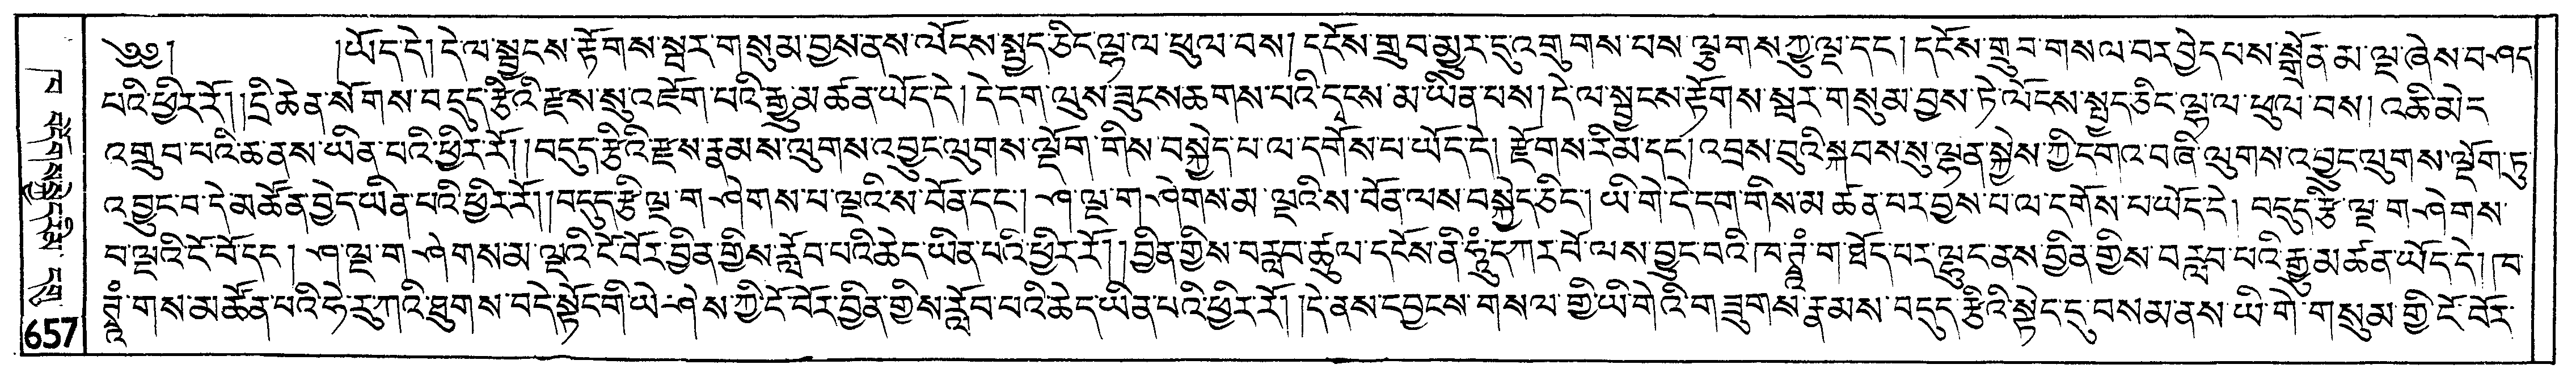༄༅། །ཡོད་དེ། དེ་ལ་སྦྱངས་རྟོགས་སྦར་གསུམ་བྱས་ནས་ལོངས་སྤྱད་ཅིང་ལྷ་ལ་ཕུལ་བས། དངོས་གྲུབ་མྱུར་དུ་འགུགས་པས་ལྕགས་ཀྱུ་ལྔ་དང་། དངོས་གྲུབ་གསལ་བར་བྱེད་པས་སྒྲོན་མ་ལྔ་ཞེས་བཤད་
པའི་ཕྱིར་རོ། །དྲི་ཆེན་སོགས་བདུད་རྩིའི་རྫས་སུ་འཇོག་པའི་རྒྱུ་མཚན་ཡོད་དེ། དེ་དག་ལུས་ཟུངས་ཆགས་པའི་དྭངས་མ་ཡིན་པས། དེ་ལ་སྦྱངས་རྟོགས་སྦར་གསུམ་བྱས་ཏེ་ལོངས་སྤྱད་ཅིང་ལྷ་ལ་ཕུལ་བས། འཆི་མེད་
འགྲུབ་པའི་ཆ་ནས་ཡིན་པའི་ཕྱིར་རོ། །བདུད་རྩིའི་རྫས་རྣམས་ལུགས་འབྱུང་ལུགས་ལྡོག་གིས་བསྐྱེད་པ་ལ་དགོས་པ་ཡོད་དེ། རྫོགས་རིམ་དང་། འབྲས་བུའི་སྐབས་སུ་ལྷན་སྐྱེས་ཀྱི་དགའ་བཞི་ལུགས་འབྱུང་ལུགས་ལྡོག་ཏུ་
འབྱུང་བ་དེ་མཚོན་བྱེད་ཡིན་པའི་ཕྱིར་རོ། །བདུད་རྩི་ལྔ་གཤེགས་པ་ལྔའི་ས་བོན་དང་། ཤ་ལྔ་གཤེགས་མ་ལྔའི་ས་བོན་ལས་བསྐྱེད་ཅིང་། ཡི་གེ་དེ་དག་གིས་མཚན་པར་བྱས་པ་ལ་དགོས་པ་ཡོད་དེ། བདུད་རྩི་ལྔ་གཤེགས་
པ་ལྔའི་ངོ་བོ་དང་། ཤ་ལྔ་གཤེགས་མ་ལྔའི་ངོ་བོར་བྱིན་གྱིས་རློབ་པའི་ཆེད་ཡིན་པའི་ཕྱིར་རོ། །བྱིན་གྱིས་བརླབ་ཚུལ་དངོས་ནི་ཧཱུཾ་དཀར་པོ་ལས་བྱུང་བའི་ཁ་ཊྭཱཾ་ག་ཐོད་པར་ལྷུང་ནས་བྱིན་གྱིས་བརླབ་པའི་རྒྱུ་མཚན་ཡོད་དེ། ཁ་
ཏྭཱཾ་གས་མཚོན་པའི་ཧེ་རུ་ཀའི་ཐུགས་བདེ་སྟོང་གི་ཡེ་ཤེས་ཀྱི་ངོ་བོར་བྱིན་གྱིས་རློབ་པའི་ཆེད་ཡིན་པའི་ཕྱིར་རོ། །དེ་ནས་དབྱངས་གསལ་གྱི་ཡི་གེའི་གཟུགས་རྣམས་བདུད་རྩིའི་སྟེང་དུ་བསམ་ནས་ཡི་གེ་གསུམ་གྱི་ངོ་བོར་